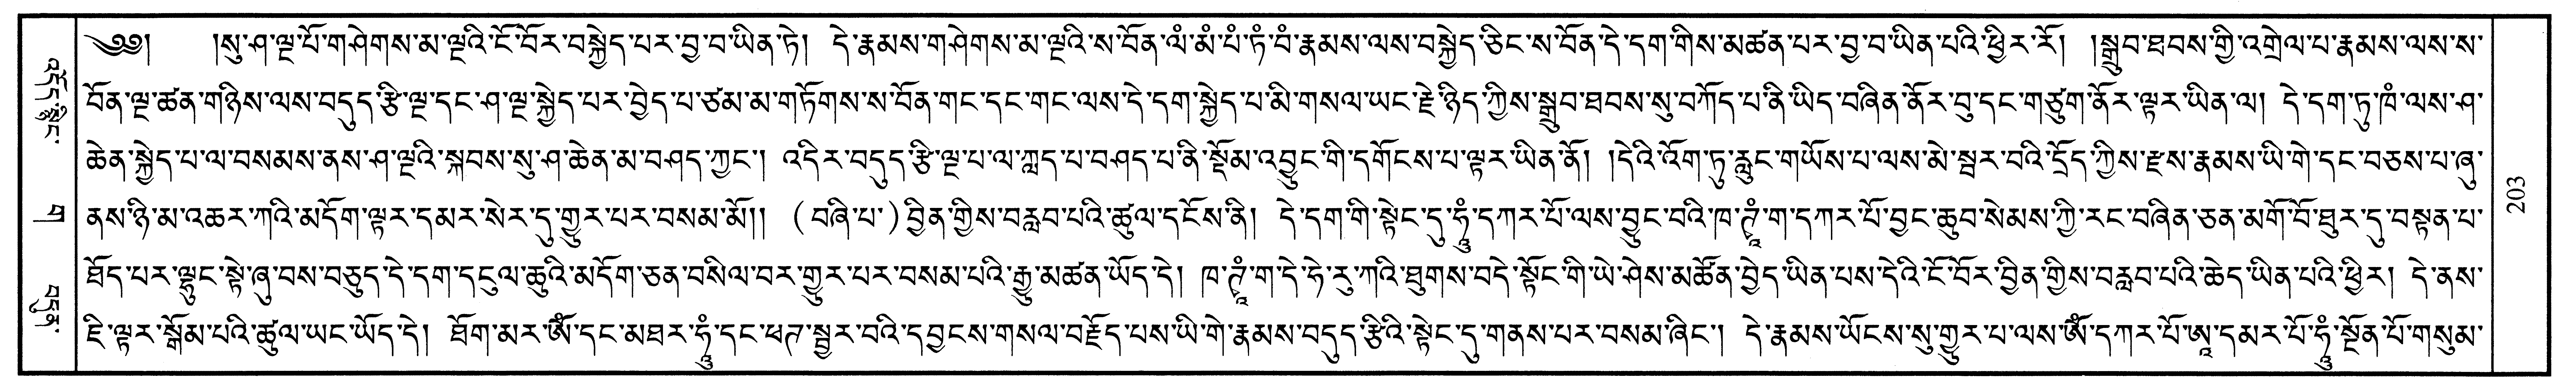༄༅། །སུ་ཤ་ལྔ་པོ་གཤེགས་མ་ལྔའི་ངོ་བོར་བསྐྱེད་པར་བྱ་བ་ཡིན་ཏེ། དེ་རྣམས་གཤེགས་མ་ལྔའི་ས་བོན་ལཾ་མཾ་པཾ་ཏཾ་བཾ་རྣམས་ལས་བསྐྱེད་ཅིང་ས་བོན་དེ་དག་གིས་མཚན་པར་བྱ་བ་ཡིན་པའི་ཕྱིར་རོ། །སྒྲུབ་ཐབས་གྱི་འགྲེལ་པ་རྣམས་ལས་ས་
བོན་ལྔ་ཚན་གཉིས་ལས་བདུད་རྩི་ལྔ་དང་ཤ་ལྔ་སྐྱེད་པར་བྱེད་པ་ཙམ་མ་གཏོགས་ས་བོན་གང་དང་གང་ལས་དེ་དག་སྐྱེད་པ་མི་གསལ་ཡང་རྗེ་ཉིད་ཀྱིས་སྒྲུབ་ཐབས་སུ་བཀོད་པ་ནི་ཡིད་བཞིན་ནོར་བུ་དང་གཙུག་ནོར་ལྟར་ཡིན་ལ། དེ་དག་ཏུ་ཁཾ་ལས་ཤ་
ཆེན་སྐྱེད་པ་ལ་བསམས་ནས་ཤ་ལྔའི་སྐབས་སུ་ཤ་ཆེན་མ་བཤད་ཀྱང་། འདིར་བདུད་རྩི་ལྔ་པ་ལ་ཀླད་པ་བཤད་པ་ནི་སྡོམ་འབྱུང་གི་དགོངས་པ་ལྟར་ཡིན་ནོ། །དེའི་འོག་ཏུ་རླུང་གཡོས་པ་ལས་མེ་སྦར་བའི་དྲོད་ཀྱིས་རྫས་རྣམས་ཡི་གེ་དང་བཅས་པ་ཞུ་
ནས་ཉི་མ་འཆར་ཀའི་མདོག་ལྟར་དམར་སེར་དུ་གྱུར་པར་བསམ་མོ།། བཞི་པ་བྱིན་གྱིས་བརླབ་པའི་ཚུལ་དངོས་ནི། དེ་དག་གི་སྟེང་དུ་ཧཱུཾ་དཀར་པོ་ལས་བྱུང་བའི་ཁ་ཊྭཱཾ་ག་དཀར་པོ་བྱང་ཆུབ་སེམས་ཀྱི་རང་བཞིན་ཅན་མགོ་བོ་ཐུར་དུ་བསྟན་པ་
ཐོད་པར་ལྷུང་སྟེ་ཞུ་བས་བཅུད་དེ་དག་དངུལ་ཆུའི་མདོག་ཅན་བསིལ་བར་གྱུར་པར་བསམ་པའི་རྒྱུ་མཚན་ཡོད་དེ། ཁ་ཊྭཱཾ་ག་དེ་ཧེ་རུ་ཀའི་ཐུགས་བདེ་སྟོང་གི་ཡེ་ཤེས་མཚོན་བྱེད་ཡིན་པས་དེའི་ངོ་བོར་བྱིན་གྱིས་བརླབ་པའི་ཆེད་ཡིན་པའི་ཕྱིར། དེ་ནས་
ཇི་ལྟར་སྒོམ་པའི་ཚུལ་ཡང་ཡོད་དེ། ཐོག་མར་ཨོཾ་དང་མཐར་ཧཱུཾ་དང་ཕཊ་སྦྱར་བའི་དབྱངས་གསལ་བརྗོད་པས་ཡི་གེ་རྣམས་བདུད་རྩིའི་སྟེང་དུ་གནས་པར་བསམ་ཞིང་། དེ་རྣམས་ཡོངས་སུ་གྱུར་པ་ལས་ཨོཾ་དཀར་པོ་ཨཱ་དམར་པོ་ཧཱུཾ་སྔོན་པོ་གསུམ་